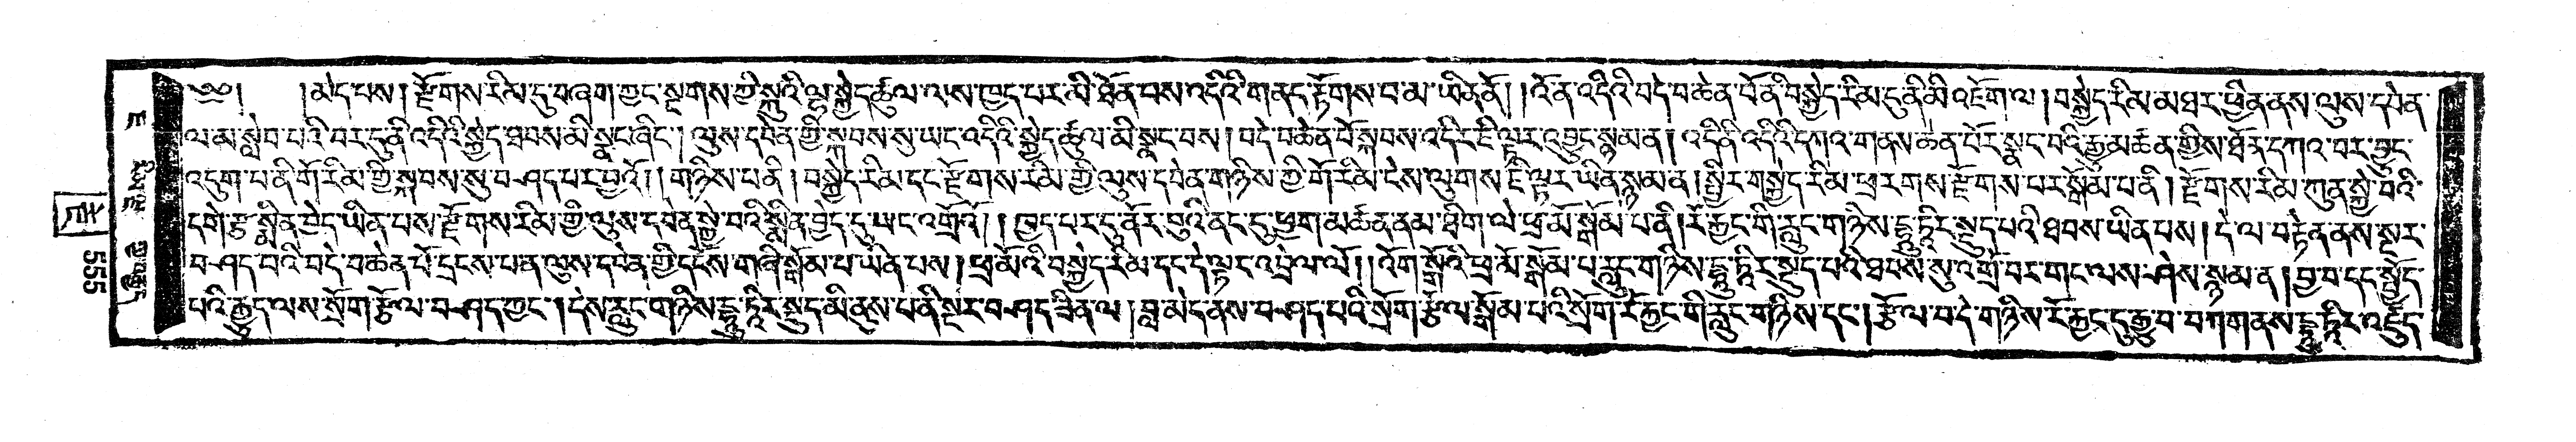༄༅། །མེད་པས། རྫོགས་རིམ་དུ་བཞག་ཀྱང་སྔགས་ཀྱི་སྐུའི་ལྷ་སྐྱེད་ཚུལ་ལས་ཁྱད་པར་མི་ཐོན་པས་འདིའི་གནད་རྟོགས་པ་མ་ཡིན་ནོ། །འོ་ན་འདིའི་བདེ་བ་ཆེན་པོ་ནི་བསྐྱེད་རིམ་དུ་ནི་མི་འཇོག་ལ། བསྐྱེད་རིམ་མཐར་ཕྱིན་ནས་ལུས་དབེན་
ལ་མ་སླེབ་པའི་བར་དུ་ནི་འདིའི་སྐྱེས་ཐབས་མི་སྣང་ཞིང་། ལུས་དབེན་གྱི་སྐབས་སུ་ཡང་འདིའི་སྐྱེད་ཚུལ་མི་སྣང་བས། བདེ་བ་ཆེན་པོ་སྐབས་འདིར་ཇི་ལྟར་འབྱུང་སྙམ་ན། འདི་ནི་འདིའི་དཀའ་གནས་ཆེན་པོར་སྣང་བའི་རྒྱུ་མཚན་གྱིས་ཐོན་དཀའ་བར་བྱུང་
འདུག་པ་ནི་གོ་རིམ་གྱི་སྐབས་སུ་བཤད་པར་བྱའོ། །གཉིས་པ་ནི། བསྐྱེད་རིམ་དང་རྫོགས་རིམ་གྱི་ལུས་དབེན་གཉིས་ཀྱི་གོ་རིམ་ངེས་ལུགས་ཇི་ལྟར་ཡིན་སྙམ་ན། སྤྱིར་བསྐྱེད་རིམ་ཕྲ་རགས་རྫོགས་པར་སྒོམ་པ་ནི། རྫོགས་རིམ་ཀུན་སྐྱེ་བའི་
དགེ་རྩ་སྨིན་བྱེད་ཡིན་པས་རྫོགས་རིམ་གྱི་ལུས་དབེན་སྐྱེ་བའི་སྨིན་བྱེད་དུ་ཡང་འགྲོའོ། །ཁྱད་པར་དུ་ནོར་བུའི་ནང་དུ་ཕྱག་མཚན་ནམ་ཐིག་ལེ་ཕྲ་མོ་སྒོམ་པ་ནི། རོ་རྐྱང་གྱི་རླུང་གཉིས་དྷཱུ་ཏཱིར་སྡུད་པའི་ཐབས་ཡིན་པས། དེ་ལ་བརྟེན་ནས་སྔར་
བཤད་པའི་བདེ་བ་ཆེན་པོ་དྲངས་པ་ན་ལུས་དབེན་གྱི་དངོས་གཞི་སྒོམ་པ་ཡིན་པས། ཕྲ་མོའི་བསྐྱེད་རིམ་དང་དེ་ལྟར་འབྲེལ་ལོ། །འོག་སྒོའི་ཕྲ་མོ་སྒོམ་པ་རླུང་གཉིས་དྷཱུ་ཏཱིར་སྡུད་པའི་ཐབས་སུ་འགྲོ་བར་གང་ལས་ཤེས་སྙམ་ན། བྱ་བ་དང་སྤྱོད་
པའི་རྒྱུད་ལས་སྲོག་རྩོལ་བཤད་ཀྱང་། དེས་རླུང་གཉིས་དྷཱུ་ཏཱིར་སྡུད་མི་ནུས་པ་ནི་སྔར་བཤད་ཟིན་ལ། བླ་མེད་ནས་བཤད་པའི་སྲོག་རྩོལ་སྒོམ་པའི་སྲོག་རོ་རྐྱང་གྱི་རླུང་གཉིས་དང་རྩོལ་བ་དེ་གཉིས་རོ་རྐྱང་དུ་རྒྱུ་བ་བཀག་ནས་དྷཱུ་ཏཱིར་འཛུད་